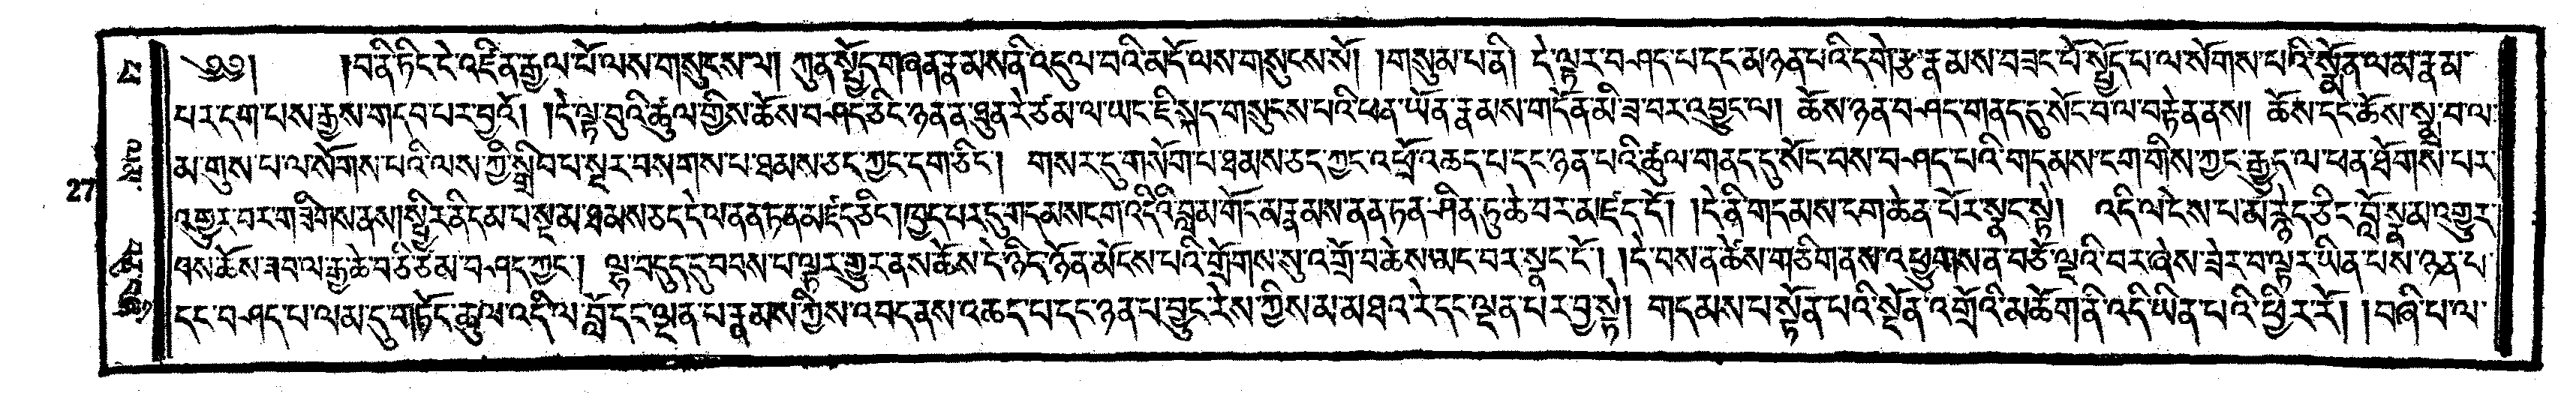༄༅། །བ་ནི་ཏིང་ངེ་འཛིན་རྒྱལ་པོ་ལས་གསུངས་ལ། ཀུན་སྤྱོད་གཞན་རྣམས་ནི་འདུལ་བའི་མདོ་ལས་གསུངས་སོ། །གསུམ་པ་ནི། དེ་ལྟར་བཤད་པ་དང་མཉན་པའི་དགེ་རྩ་རྣམས་བཟང་པོ་སྤྱོད་པ་ལ་སོགས་པའི་སྨོན་ལམ་རྣམ་
པར་དག་པས་རྒྱས་གདབ་པར་བྱའོ། །དེ་ལྟ་བུའི་ཚུལ་གྱིས་ཆོས་བཤད་ཅིང་ཉན་ན་ཐུན་རེ་ཙམ་ལ་ཡང་ཇི་སྐད་གསུངས་པའི་ཕན་ཡོན་རྣམས་གདོན་མི་ཟ་བར་འབྱུང་ལ། ཆོས་ཉན་བཤད་གནད་དུ་སོང་བ་ལ་བརྟེན་ནས། ཆོས་དང་ཆོས་སྨྲ་བ་ལ་
མ་གུས་པ་ལ་སོགས་པའི་ལས་ཀྱི་སྒྲིབ་པ་སྔར་བསགས་པ་ཐམས་ཅད་ཀྱང་དག་ཅིང་། གསར་དུ་གསོག་པ་ཐམས་ཅད་འཕྲོ་འཆད་པ་དང་ཉན་པའི་ཚུལ་གནད་དུ་སོང་བས་བཤད་པའི་གདམས་ངག་གིས་ཀྱང་རྒྱུད་ལ་ཕན་ཐོགས་པར་
འགྱུར་བར་གཟིགས་ནས། སྦྱིར་ནི་དམ་པ་སྔ་མ་ཐམས་ཅད་དེ་ལ་ནན་ཏན་མཛད་ཅིང་། ཁྱད་པར་དུ་གདམས་ངག་འདིའི་བླ་མ་གོང་མ་རྣམས་ནན་ཏན་ཤིན་ཏུ་ཆེ་བར་མཛད་དོ། །དེ་ནི་གདམས་ངག་ཆེན་པོར་སྣང་སྟེ། འདི་ལ་ངེས་པ་མ་རྙེད་ཅིང་བློ་སྣམ་འགྱུར་
བས་ཆོས་ཟབ་ལ་རྒྱ་ཆེ་བ་ཅི་ཙམ་བཤད་ཀྱང་། ལྷ་བདུད་དུ་བབས་པ་ལྟར་གྱུར་ནས་ཆོས་དེ་ཉིད་ཉོན་མོངས་པའི་གྲོགས་སུ་འགྲོ་བ་ཆེས་མང་བར་སྣང་ངོ། །དེ་བས་ཚེས་གཅིག་ནས་འཕྱུགས་ན་བཅོ་ལྔའི་བར་ཞེས་ཟེར་བ་ལྟར་ཡིན་པས་ཉན་པ་
དང་བཤད་པ་ལམ་དུ་གཏོང་ཆུལ་འདི་ལ་བློ་དང་ལྡན་པ་རྣམས་ཀྱིས་འབད་ནས་འཆད་པ་དང་ཉན་པ་བྱུང་རེས་ཀྱིས་མ་མཐའ་རེ་དང་ལྡན་པར་བྱ་སྟེ། གདམས་པ་སྟོན་པའི་སྔོན་འགྲོའི་མཆོག་ནི་འདི་ཡིན་པའི་ཕྱིར་རོ། །བཞི་པ་ལ་